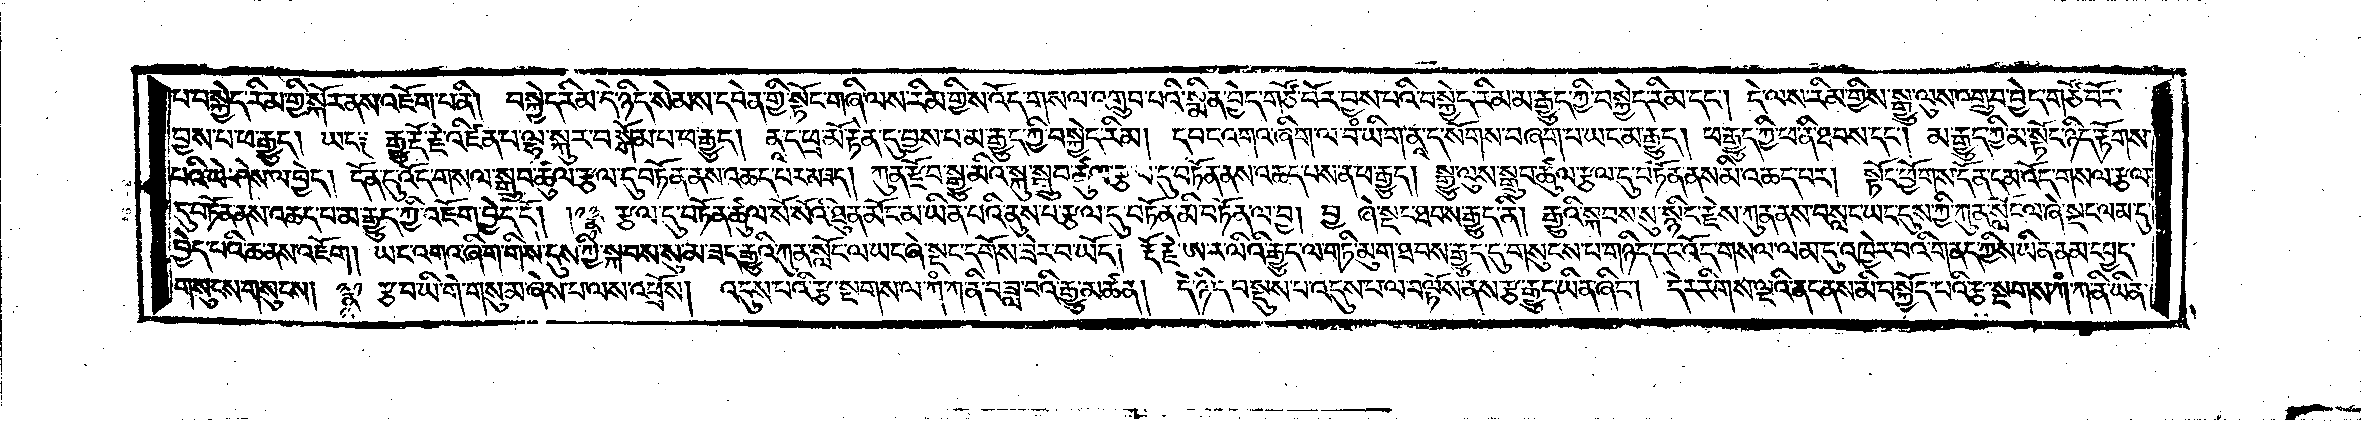པ་བསྐྱེད་རིམ་གྱི་སྐོར་ནས་འཇོག་པ་ནི། བསྐྱེད་རིམ་དེ་ཉིད་སེམས་དབེན་གྱི་སྟོང་གཞི་ལས་རིམ་གྱིས་འོད་གསལ་འགྲུབ་པའི་སྨིན་བྱེད་གཙོ་བོར་བྱས་པའི་བསྐྱེད་རིམ་མ་རྒྱུད་ཀྱི་བསྐྱེད་རིམ་དང་། དེ་ལས་རིམ་གྱིས་སྒྱུ་ལུས་འགྲུབ་བྱེད་གཙོ་བོར་
བྱས་པ་ཕ་རྒྱུད། ཡང༑ རྒྱུ་རྡོ་རྗེ་འཛིན་པ་ལྷ་སྐུར་བསྒོམ་པ་ཕ་རྒྱུད། ནཱ་ད་ཕྲ་མོ་རྟེན་དུ་བྱས་པ་མ་རྒྱུད་ཀྱི་བསྐྱེད་རིམ། དབང་འགའ་ཞིག་ལ་བཾ་ཡིག་ནཱ་ད་སོགས་བཞག་པ་ཡང་མ་རྒྱུད། ཕ་རྒྱུད་ཀྱི་ཕ་ནི་ཐབས་དང་། མ་རྒྱུད་ཀྱི་མ་སྟོང་ཉིད་རྟོགས་
པའི་ཡེ་ཤེས་ལ་བྱེད། དོན་དུ་འོད་གསལ་སྒྲུབ་ཚུལ་རྩལ་དུ་བཏོན་ནས་འཆད་པར་མ་ཟད། ཀུན་རྫོབ་སྒྱུ་མའི་སྐུ་སྒྲུབ་ཚུལ་རྩལ་དུ་བཏོན་ནས་འཆད་པས་ན་ཕ་རྒྱུད། སྒྱུ་ལུས་སྒྲུབ་ཚུལ་རྩལ་དུ་བཏོན་ནས་མི་འཆད་པར། སྟོང་ཕྱོགས་དོན་དམ་འོད་གསལ་རྩལ་
དུ་བཏོན་ནས་འཆད་པ་མ་རྒྱུད་ཀྱི་འཇོག་བྱེད་དོ། །༡༣ན༡་རྩལ་དུ་བཏོན་ཚུལ་སོ་སོའི་ཐུན་མོང་མ་ཡིན་པའི་ནུས་པ་རྩལ་དུ་བཏོན་མི་བཏོན་ལ་བྱ། བྱ་ཞེ་སྡང་ཐབས་རྒྱུད་ནི། རྒྱུའི་སྐབས་སུ་སྙིང་རྗེས་ཀུན་ནས་བསླང་ཡང་དུས་ཀྱི་ཀུན་སློང་ལ་ཞེ་སྡང་ལམ་དུ་
བྱེད་པའི་ཆ་ནས་འཇོག། ཡང་འགའ་ཞིག་གིས་དུས་ཀྱི་སྐབས་སུ་མ་ཟད་རྒྱུའི་ཀུན་སློང་ལ་ཡང་ཞེ་སྡང་དགོས་ཟེར་བ་ཡོད། རྡོ་རྗེ་ཨ་ར་ལིའི་རྒྱུད་ལ་གཏི་མུག་ཐབས་རྒྱུད་དུ་གསུངས་པ་གཉིད་དང་འོད་གསལ་ལམ་དུ་འཁྱེར་བའི་གནད་ཀྱིས་ཡིན་ནམ་དཔྱད་
གསུངས་གསུངས། ༢༡ན༢་རྩ་བ་ཡི་གེ་གསུམ་ཞེས་པ་ལས་འཕྲོས། འདུས་པའི་རྩ་སྔགས་ལ་ཀཾ་ཀ་ནི་བཟླ་བའི་རྒྱུ་མཚན། དེ་ཉིད་བསྡུས་པ་འདུས་པ་ལ་བལྟོས་ནས་རྩ་རྒྱུད་ཡིན་ཞིང་། དེར་རིགས་ལྔའི་ནང་ནས་མི་བསྐྱོད་པའི་རྩ་སྔགས་ཀཾ་ཀ་ནི་ཡིན་